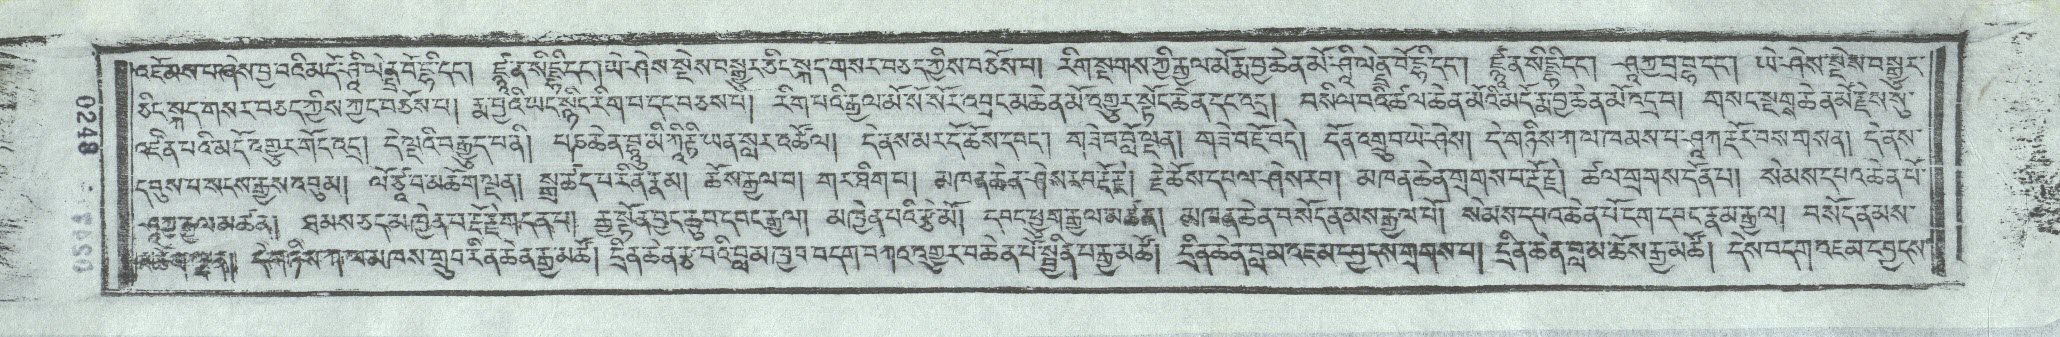འཇོམས་པ་ཞེས་བྱ་བའི་མདོ་ཤཱི་ལེནྡྲ་བོ་དྷི་དང་། ཛྙཱ་ན་སིདྡྷི་དང་། ཡེ་ཤེས་སྡེས་བསྒྱུར་ཅིང་སྐད་གསར་བཅད་ཀྱིས་བཅོས་པ། རིག་སྔགས་ཀྱི་རྒྱལ་མོ་རྨ་བྱ་ཆེན་མོ་ཤཱི་ལེནྡྲ་བོ་དྷི་དང་། ཛྙཱ་ན་སིདྡྷི་དང་། ཤཱཀྱ་བྲ་བྷ་དང་། ཡེ་ཤེས་སྡེས་བསྒྱུར་
ཅིང་སྐད་གསར་བཅད་ཀྱིས་ཀྱང་བཅོས་པ། རྨ་བྱའི་ཡང་སྙིང་རིག་པ་དང་བཅས་པ། རིག་པའི་རྒྱལ་མོ་སོ་སོར་འབྲང་མཆེན་མོ་འགྱུར་སྟོང་ཆེན་དང་འདྲ། བསིལ་བའི་ཚལ་ཆེན་མོའི་མདོ་རྨ་བྱ་ཆེན་མོ་འདྲ་བ། གསང་སྔགས་ཆེན་མོ་རྗེས་སུ་
འཛིན་པའི་མདོ་འགྱུར་གོང་འདྲ། དེ་ལྔའི་བརྒྱུད་པ་ནི། པཎ་ཆེན་བྷཱུ་མི་ཀཱི་རྟི་ཡན་སླར་འཚོལ། དེ་ནས་མར་དོ་ཆོས་དབང་། གཟེ་བ་བློ་ལྡན། གཟེ་བ་ཇོ་བདེ། དོན་འགྲུབ་ཡེ་ཤེས། དེ་གཉིས་ཀ་ལ་ཁམས་པ་ཤཱཀ་རྡོར་བས་གསན། དེ་ནས་
དབུས་པ་སངས་རྒྱས་འབུམ། ལོ་ཙཱ་བ་མཆོག་ལྡན། སྒྲ་ཚད་པ་རིན་རྣམ། ཆོས་རྒྱལ་བ། གར་ཐིག་པ། མཁན་ཆེན་ཤེས་རབ་རྡོ་རྗེ། རྗེ་ཆོས་དཔལ་ཤེས་རབ། མཁན་ཆེན་གྲགས་པ་རྡོ་རྗེ། ཚལ་གྲགས་དོན་པ། སེམས་དཔའ་ཆེན་པོ་
ཤཱཀྱ་རྒྱལ་མཚན། ཐམས་ཅད་མཁྱེན་པ་རྡོ་རྗེ་གདན་པ། རྒྱ་སྟོན་བྱང་ཆུབ་དབང་རྒྱལ། མཁྱེན་པའི་རྩེ་མོ། དབང་ཕྱུག་རྒྱལ་མཚན། མཁན་ཆེན་བསོད་ནམས་རྒྱལ་པོ། སེམས་དཔའ་ཆེན་པོ་ངག་དབང་རྣམ་རྒྱལ། བསོད་ནམས་
མཆོག་ལྡན། དེ་གཉིས་ཀ་ལ་མཁས་གྲུབ་རིན་ཆེན་རྒྱ་མཚོ། དྲིན་ཆེན་རྩ་བའི་བླ་མ་ཁྱབ་བདག་བཀའ་འགྱུར་བ་ཆེན་པོ་སྦྱིན་པ་རྒྱ་མཚོ། དྲིན་ཆེན་བླ་མ་འཇམ་དབྱངས་གྲགས་པ། དྲིན་ཆེན་བླ་མ་ཆོས་རྒྱ་མཚོ། དེས་བདག་འཇམ་དབྱངས་